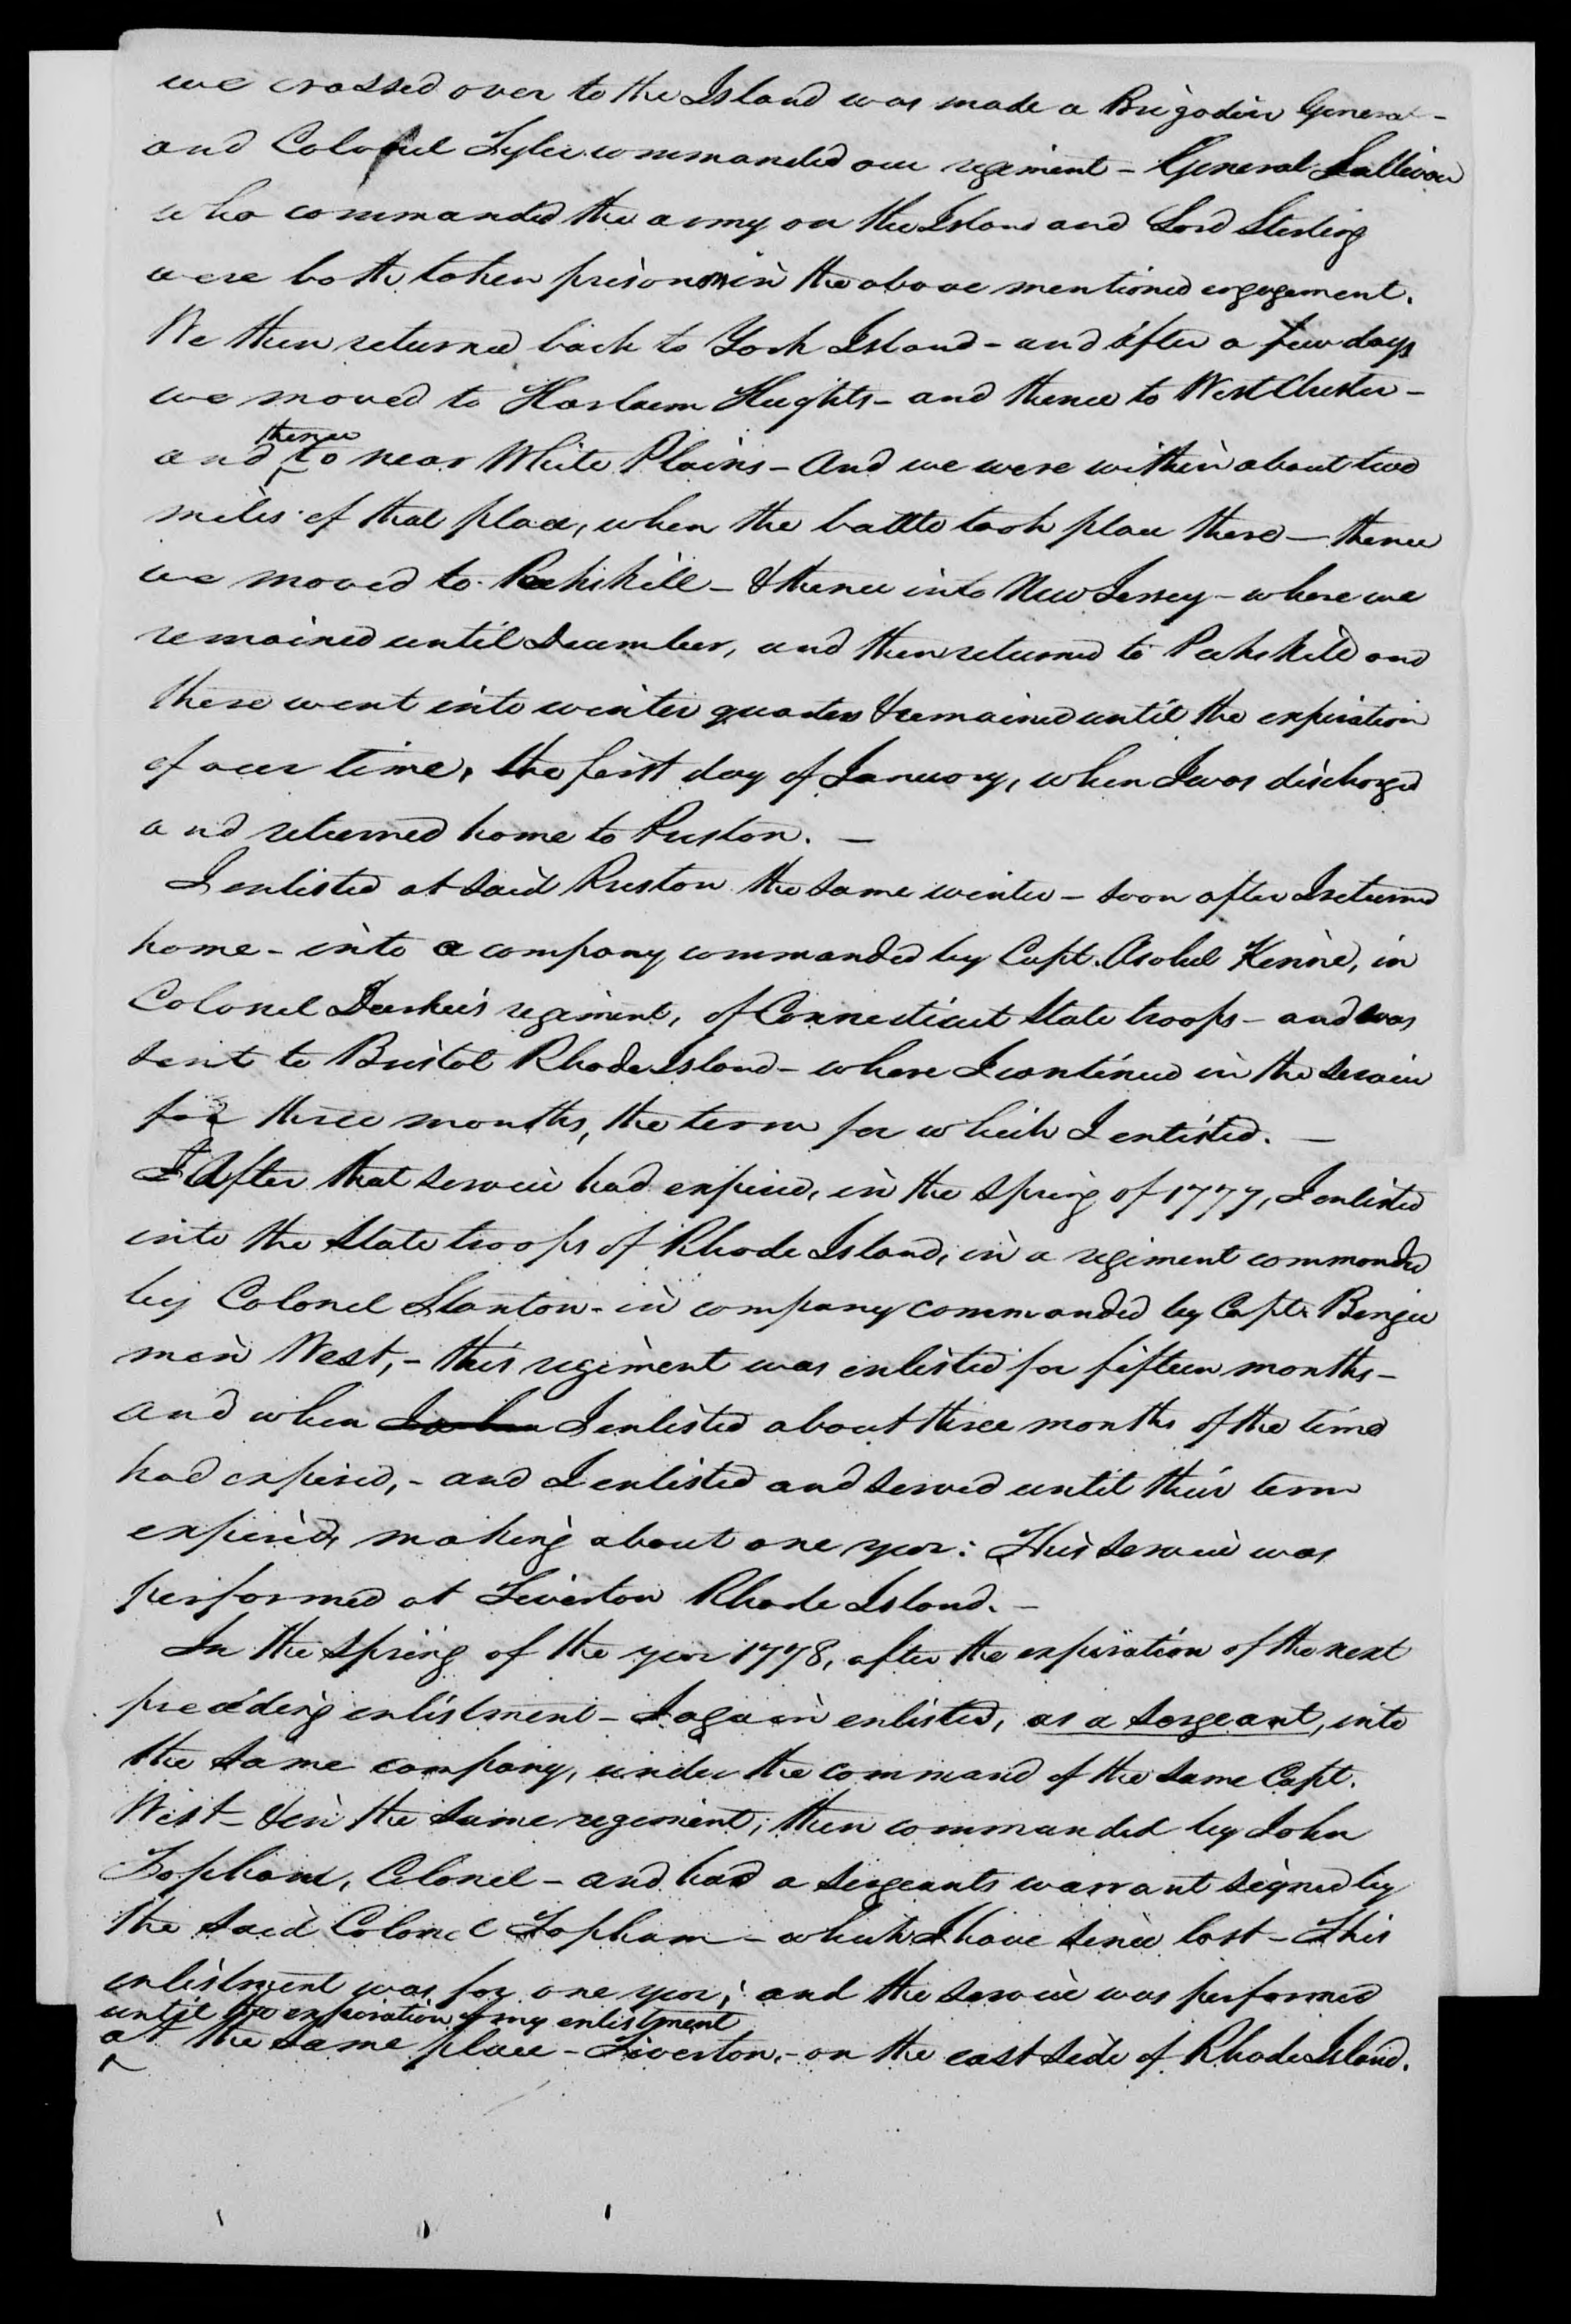we crossed over to the Island was made a brigadier General
and Colonel Tyler commanded our regiment - General Sullivan
who commanded the army on the Island and Lord Sterling
were both to her prisoner in the above mentioned engagement.
We then returned back to York Island and after a few days
we moved to Harlem Heights and thence to West Chester 
-and then to near White Plains, and we were within about two
miles of that place, when the battle took place there- thence
we moved to Peekskill. & thence into New Jersey where we
remained until December, and then returned to Peekskill and
there went into winter quarter & remained until the expiration
of our time, the first day of January, when I was discharged
and returned home to Preston. -
I enlisted at said Preston the same winter - soon after I returned
home - into a company commanded by Capt. Asahel Kinne, in
Colonel Durkee's regiment, of Connecticut State troops and was
sent to Bristol Rhode Island - where I continue in the service
for three months, the term for which I enlisted
After that service had expired, in the spring of 1777 I enlisted
into the State troops of Rhode Island, in a regiment commanded
by Colonel Stanton, in company commanded by Capt Benjamin
West,-- this regiment was enlisted for fifteen months 
and when I enlisted about three months of the time
had expired, and I enlisted and served until their term
expired making about one year: This service was
performed at Tiverton Rhode Island
-
In the spring of the year 1778, after the expiration of the next
preceding enlistment- I again enlisted, as a Sergeant, into
the same company, under the command of the same Capt.
West & in the same regiment, then commanded by John
Topham, Colonel, and had a Sergeants warrant signed by
the said Colonel Topham which I have since lost. This
enlistment was for one year; and the service was performed
until the expiration of my enlistment at the same place - 
Tiverton, on the east side of Rhode Island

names: Asahel Kinne, Slanton, John Tophane, Sallivan, West, Ruston, Tyler, Topham, Benjamin West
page: 14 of 62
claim: widow's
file: W. 21391, Robert Holley, Conn.